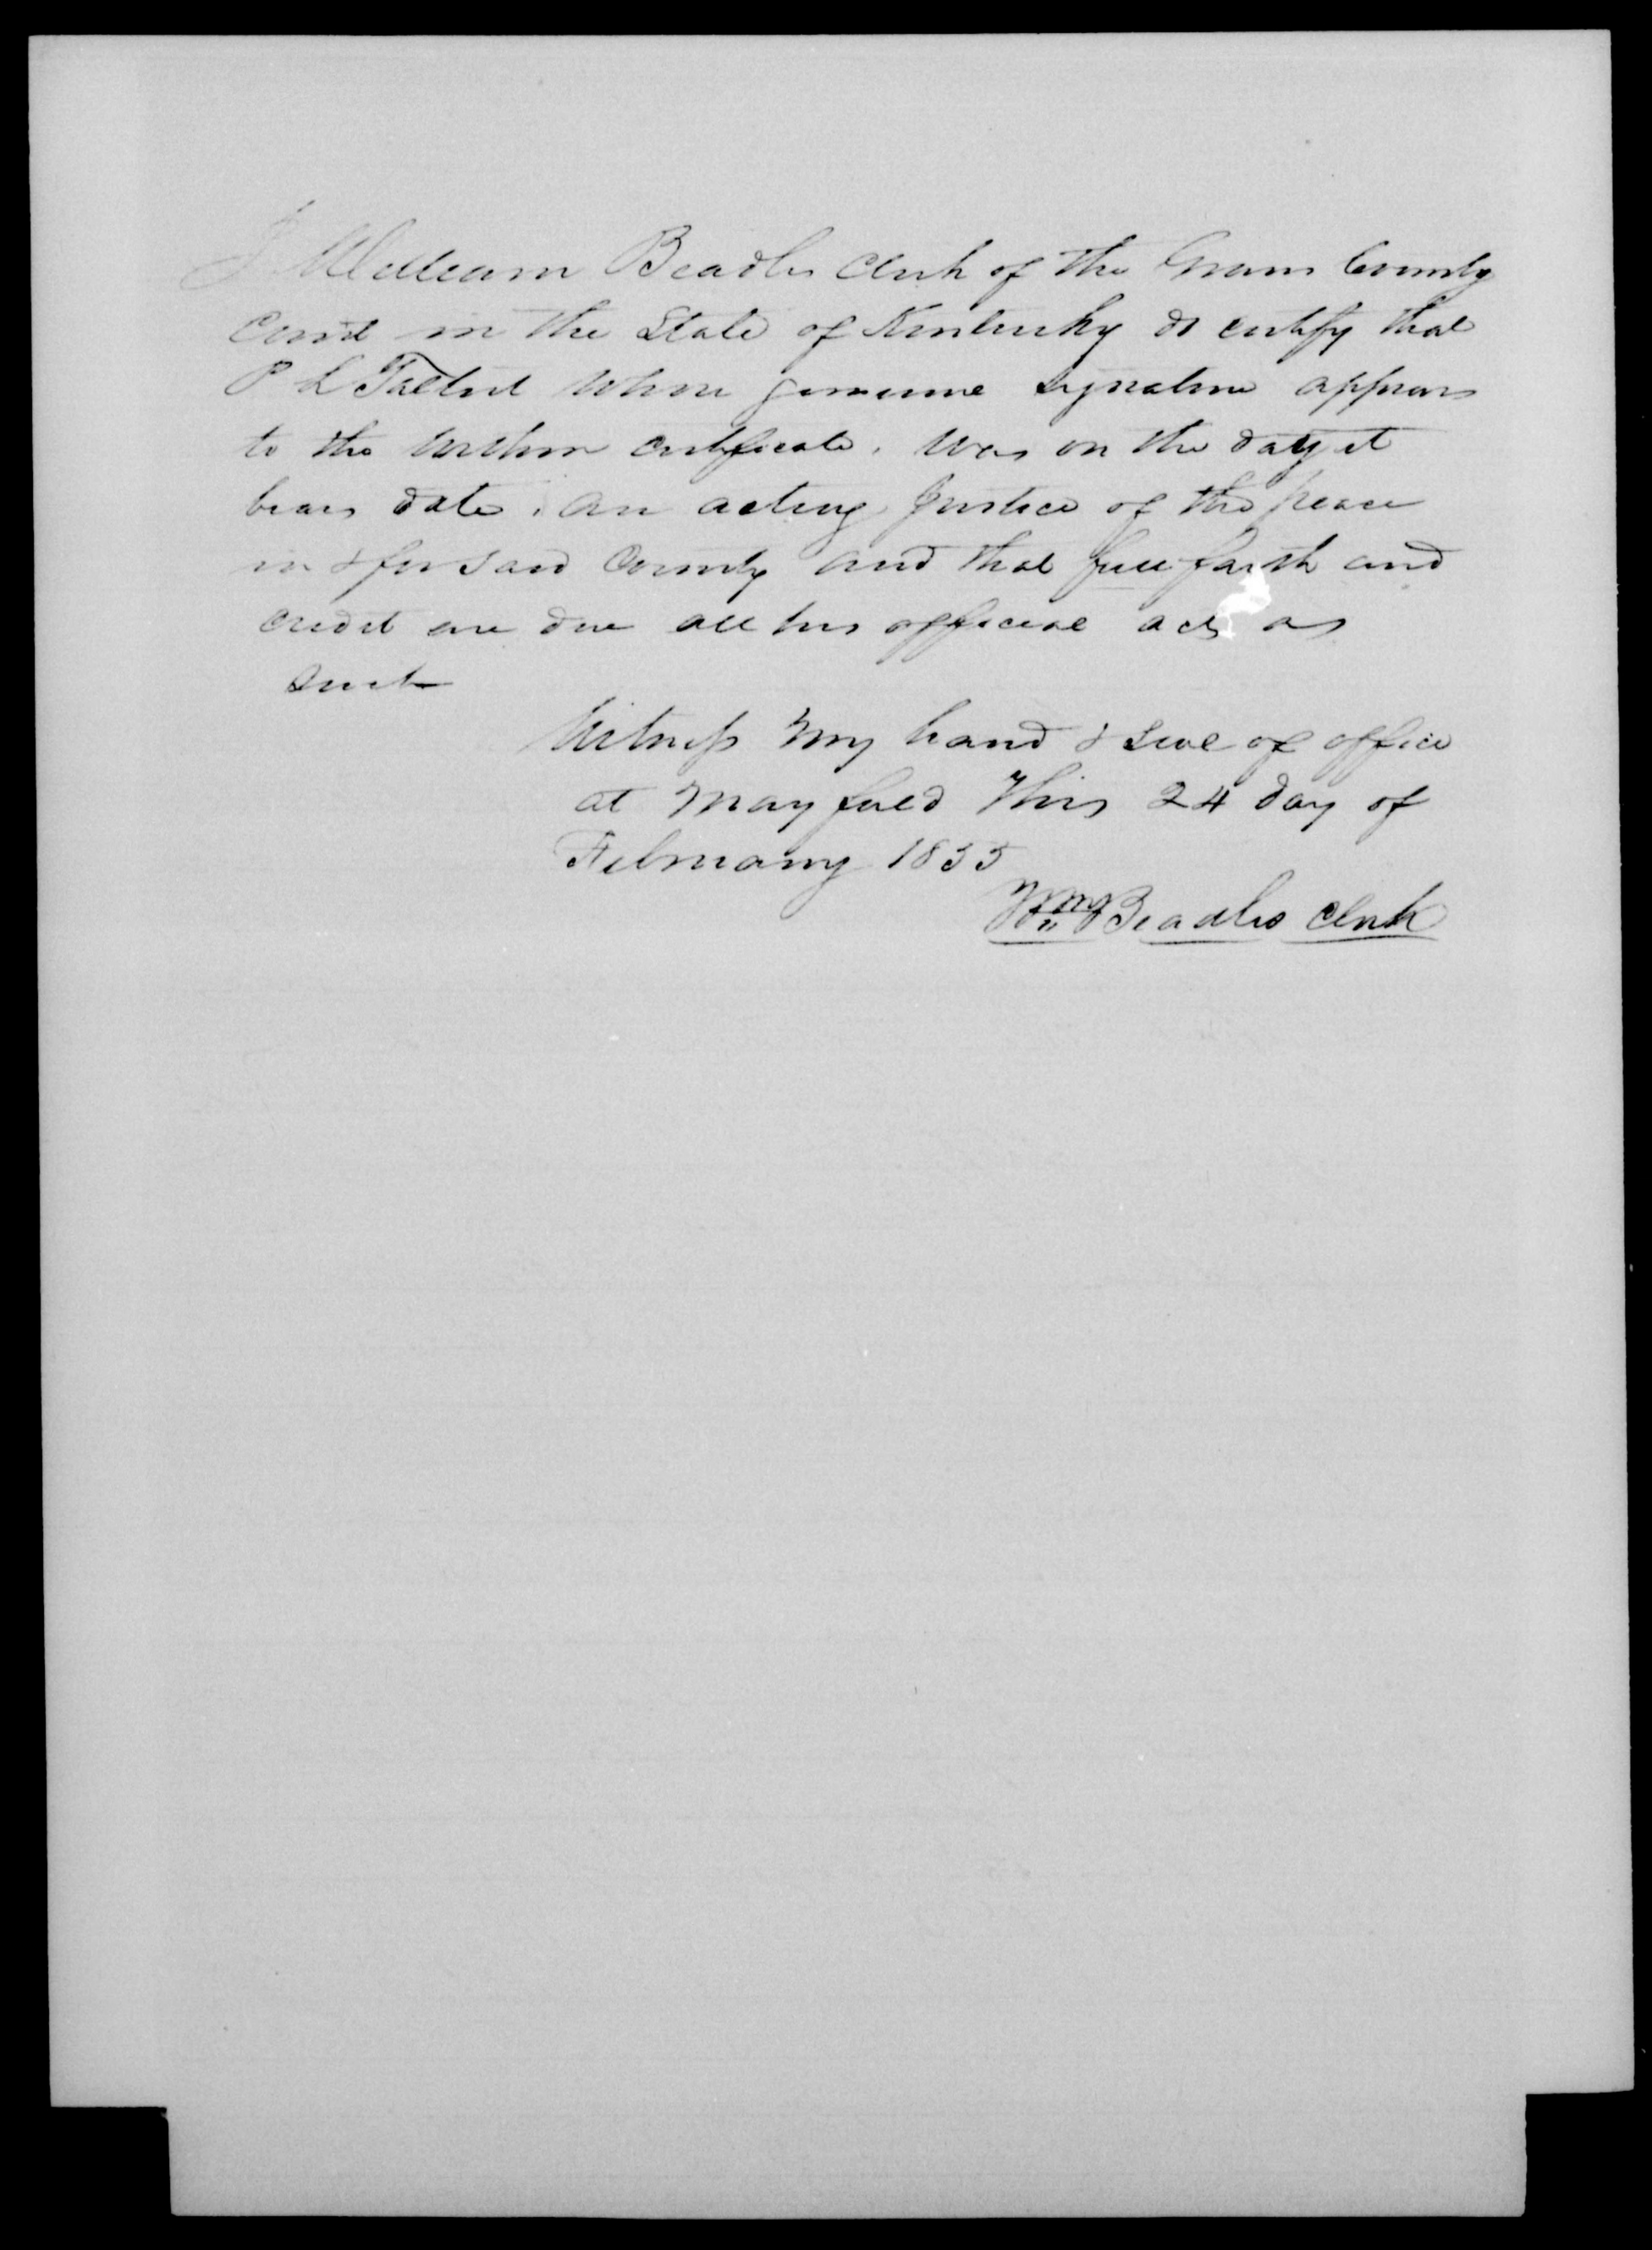I William Beadles the Clerk of the Graves County Court in the State do certify that P L Talbert whose genuine signature appears  to the Pension Certificate. Was on the day  it bears date. An acting justice of the Peace in & for said County and that full faith and credit are due all his official acts as such.

Witnefs my hand & seal of office
at Mayfield this
February 1855
Wm. Beadles clerk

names: William Beadles; Wm Beadles; P L Talbert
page: 52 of 61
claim: widow's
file: W. 11554, for John Stafford, Maryland